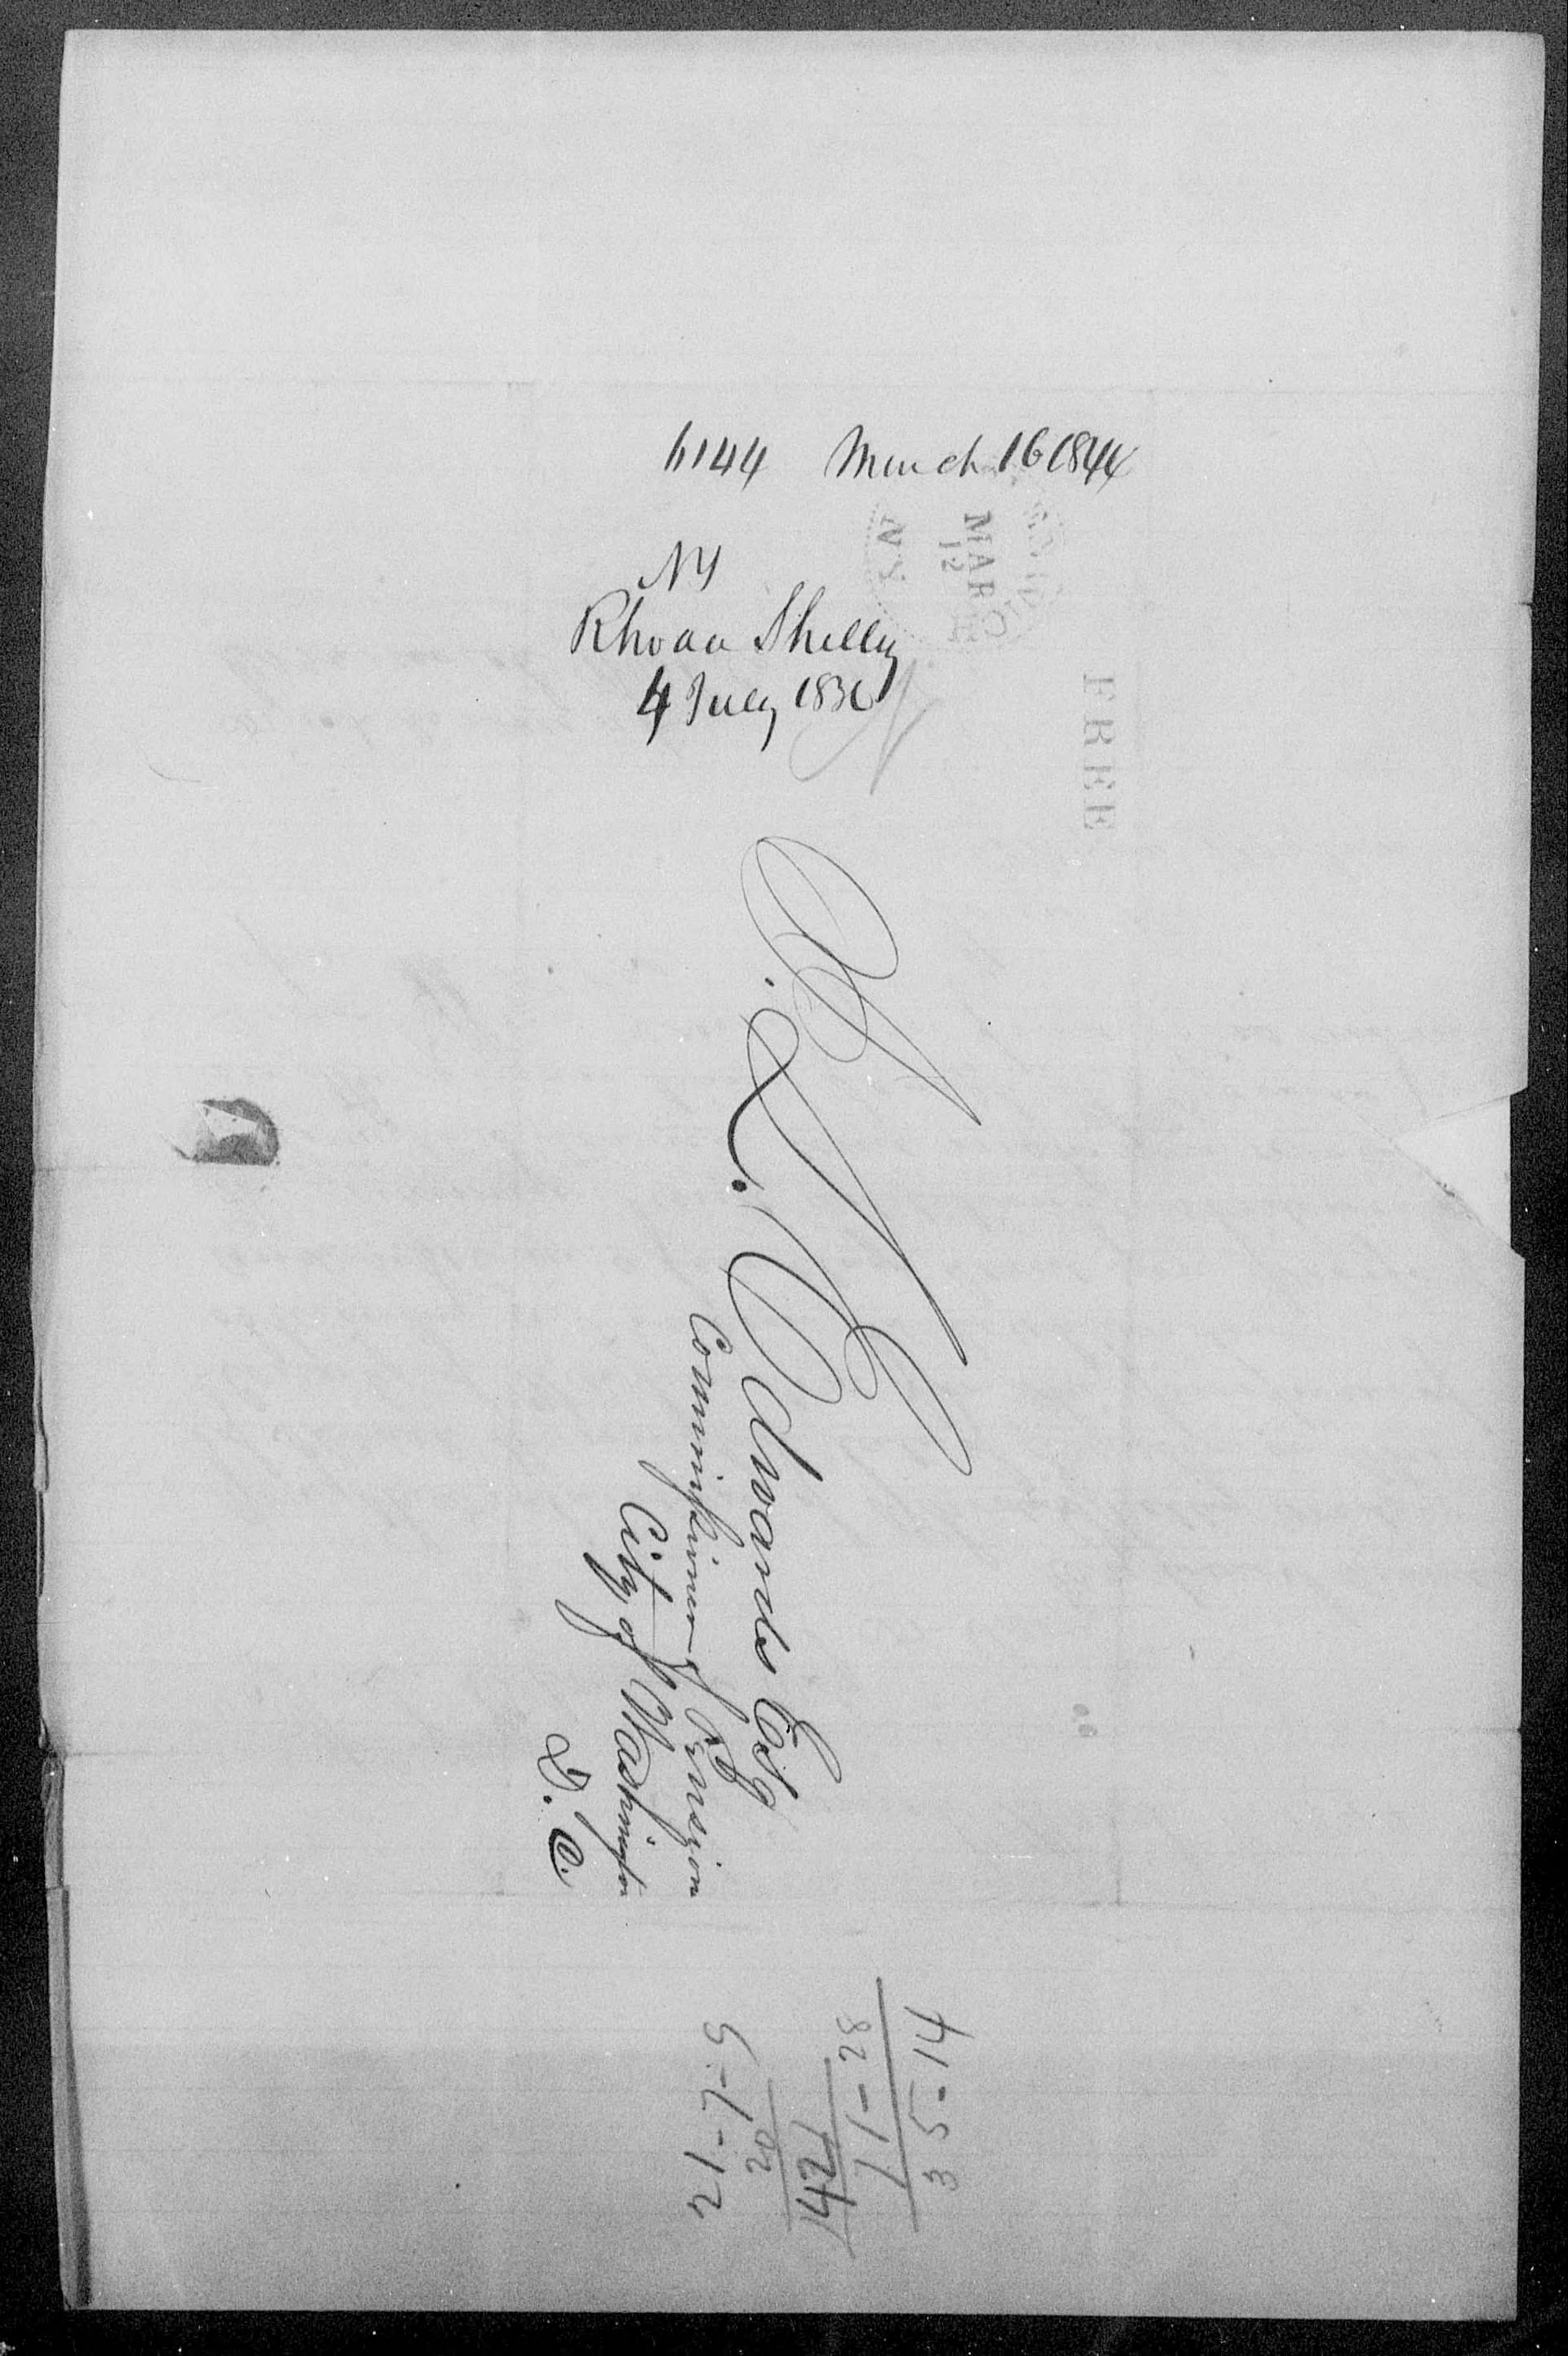6144 March 16, 1844
NY
Rhoda SHelly
4 July 1830

J.L. Edwards, Esq
Commissioner of Pension
City of Washington
D.C.

21-7-9
20
42
11-28
35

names: Rhoda Shelley, J L Edwards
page: 28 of 51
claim: widow's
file: W. 19,026, Israel Harrington, R.I.